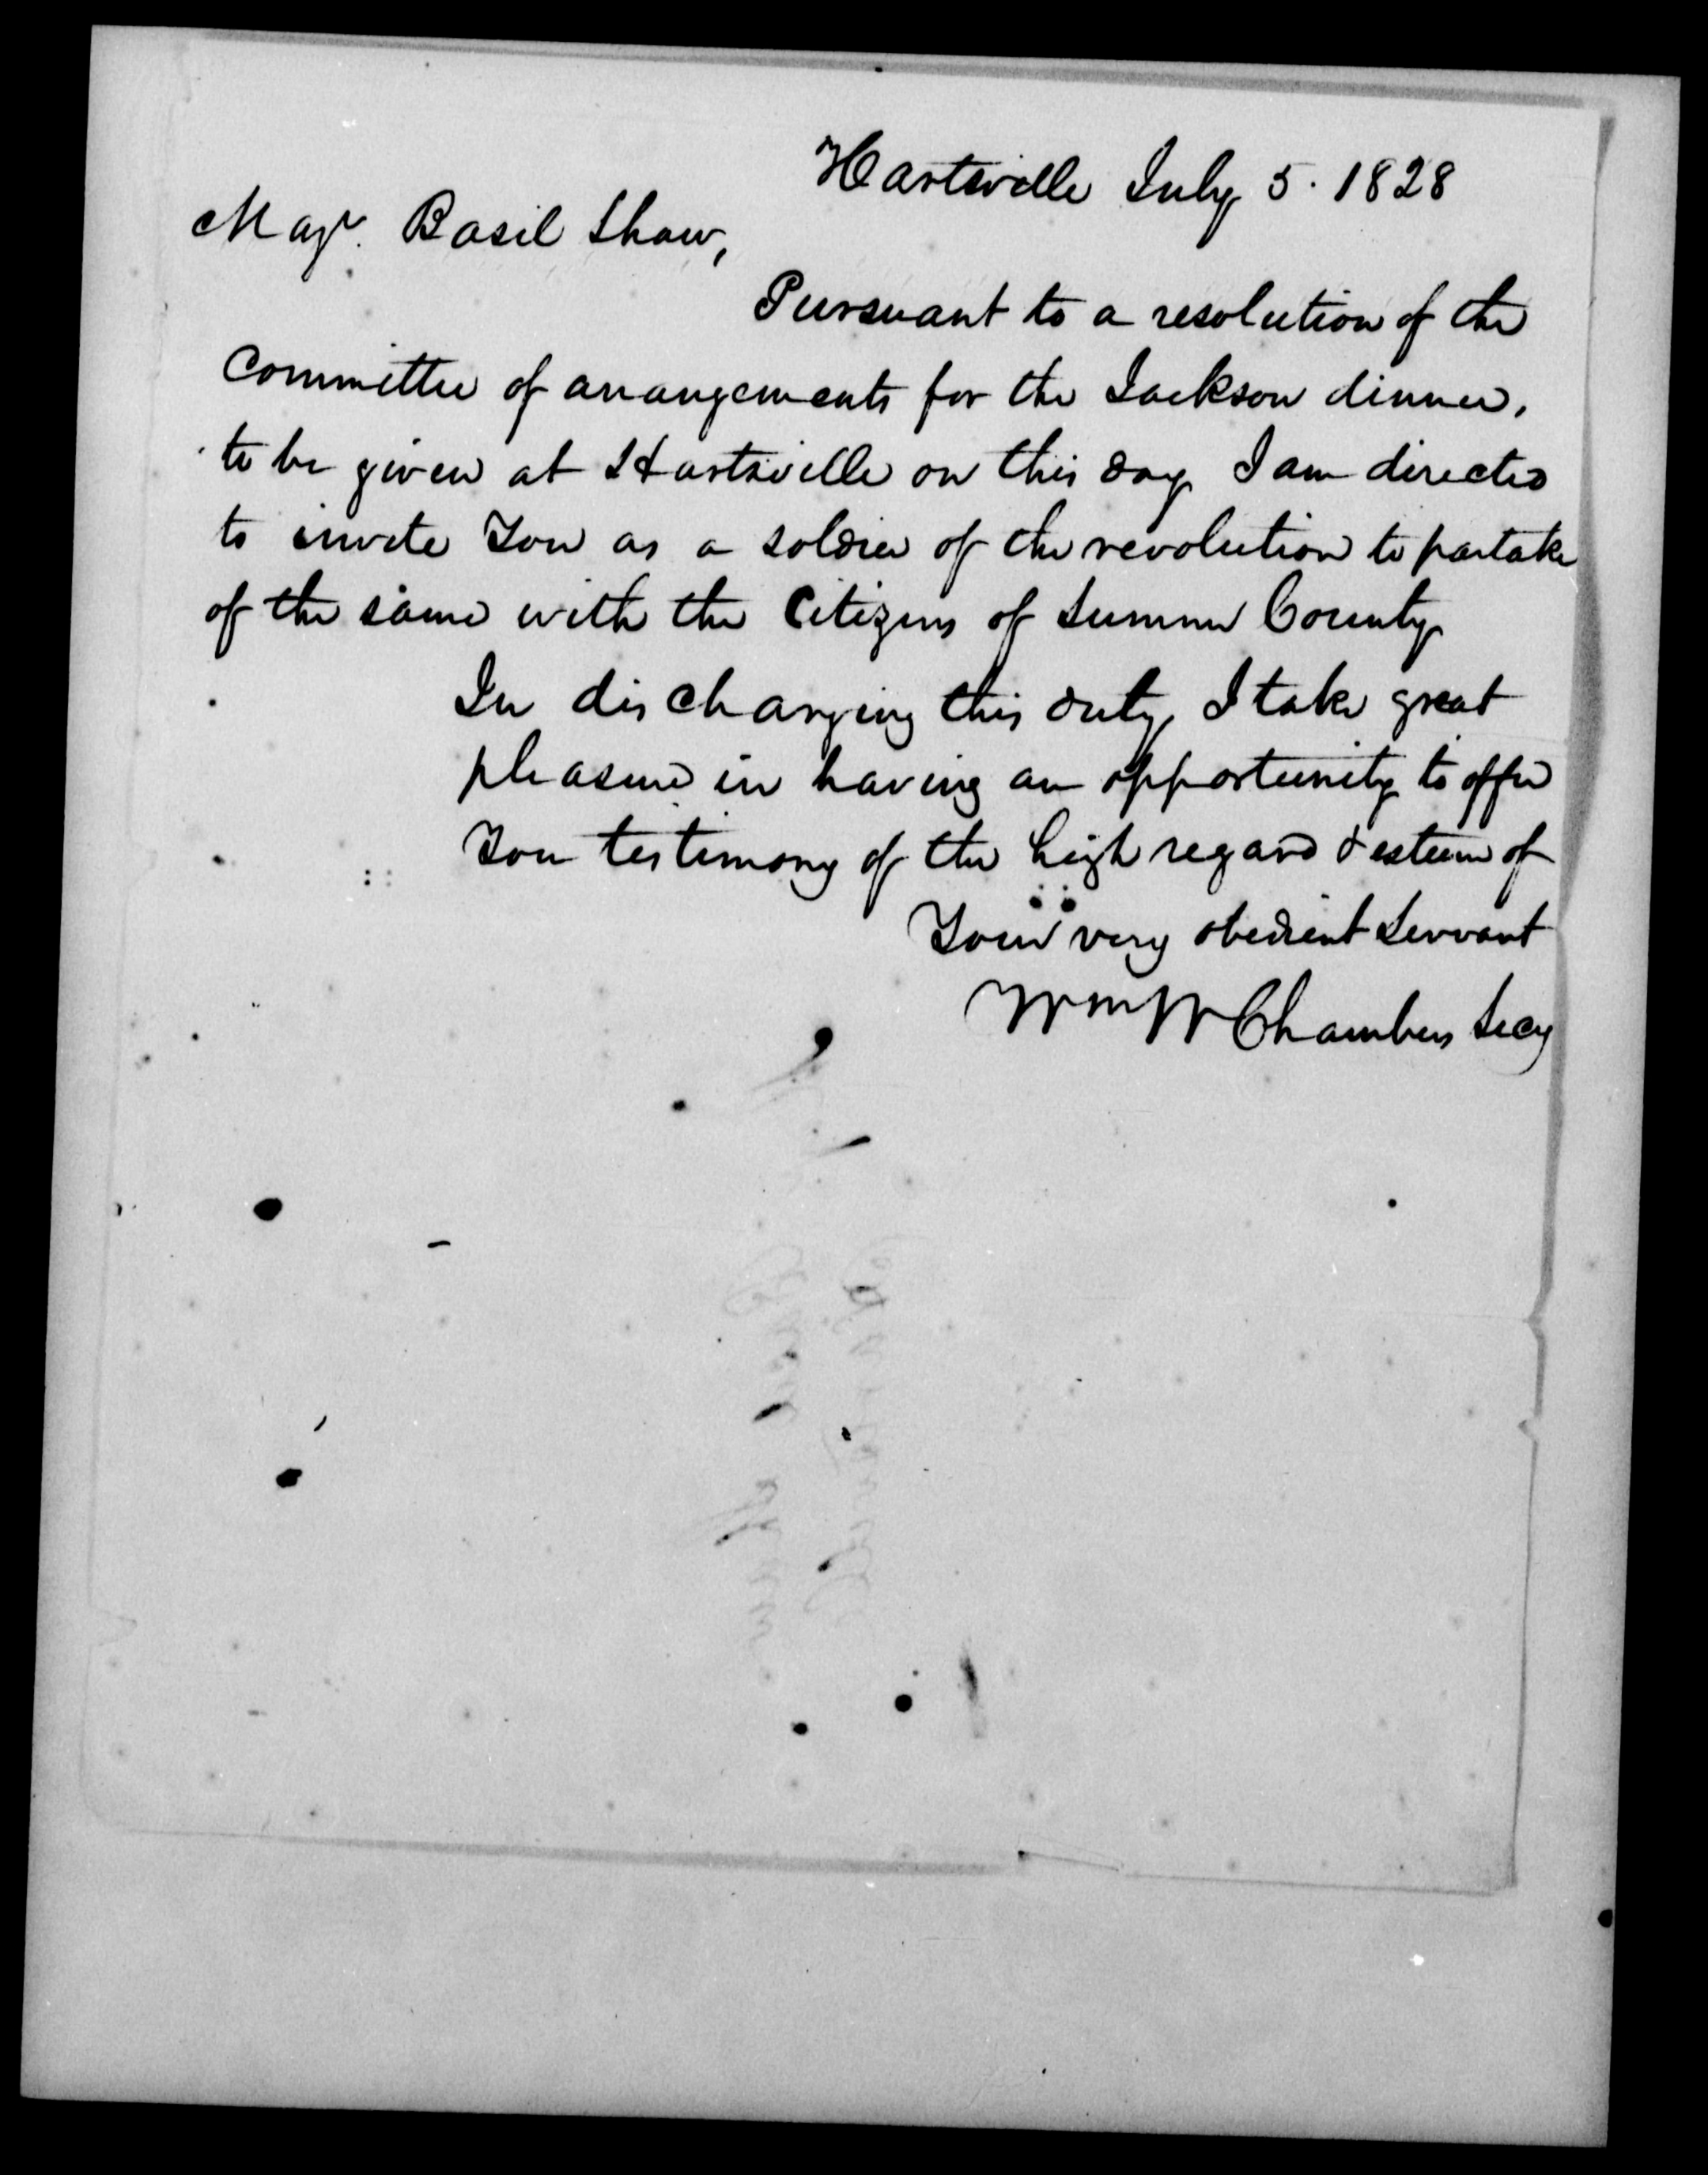Hartsville July 5 1828
Majr. Basil Shaw,
Pursuant to a resolution of the
Committee of arrangements for the Jackson dinner,
to be given at Hartsville on this day I am directed
to invite you as a soldier of the Revolution to partake
of the same with the citizens of Sumner County
In discharging this duty I take great
pleasure in having an opportunity to offer
you testimony of the high regard and esteem of
Your very obedient servant
Wm W Chambers Sec'y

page: 23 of 32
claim: survivor's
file: S. 16,526, for Basil Shaw, Maryland